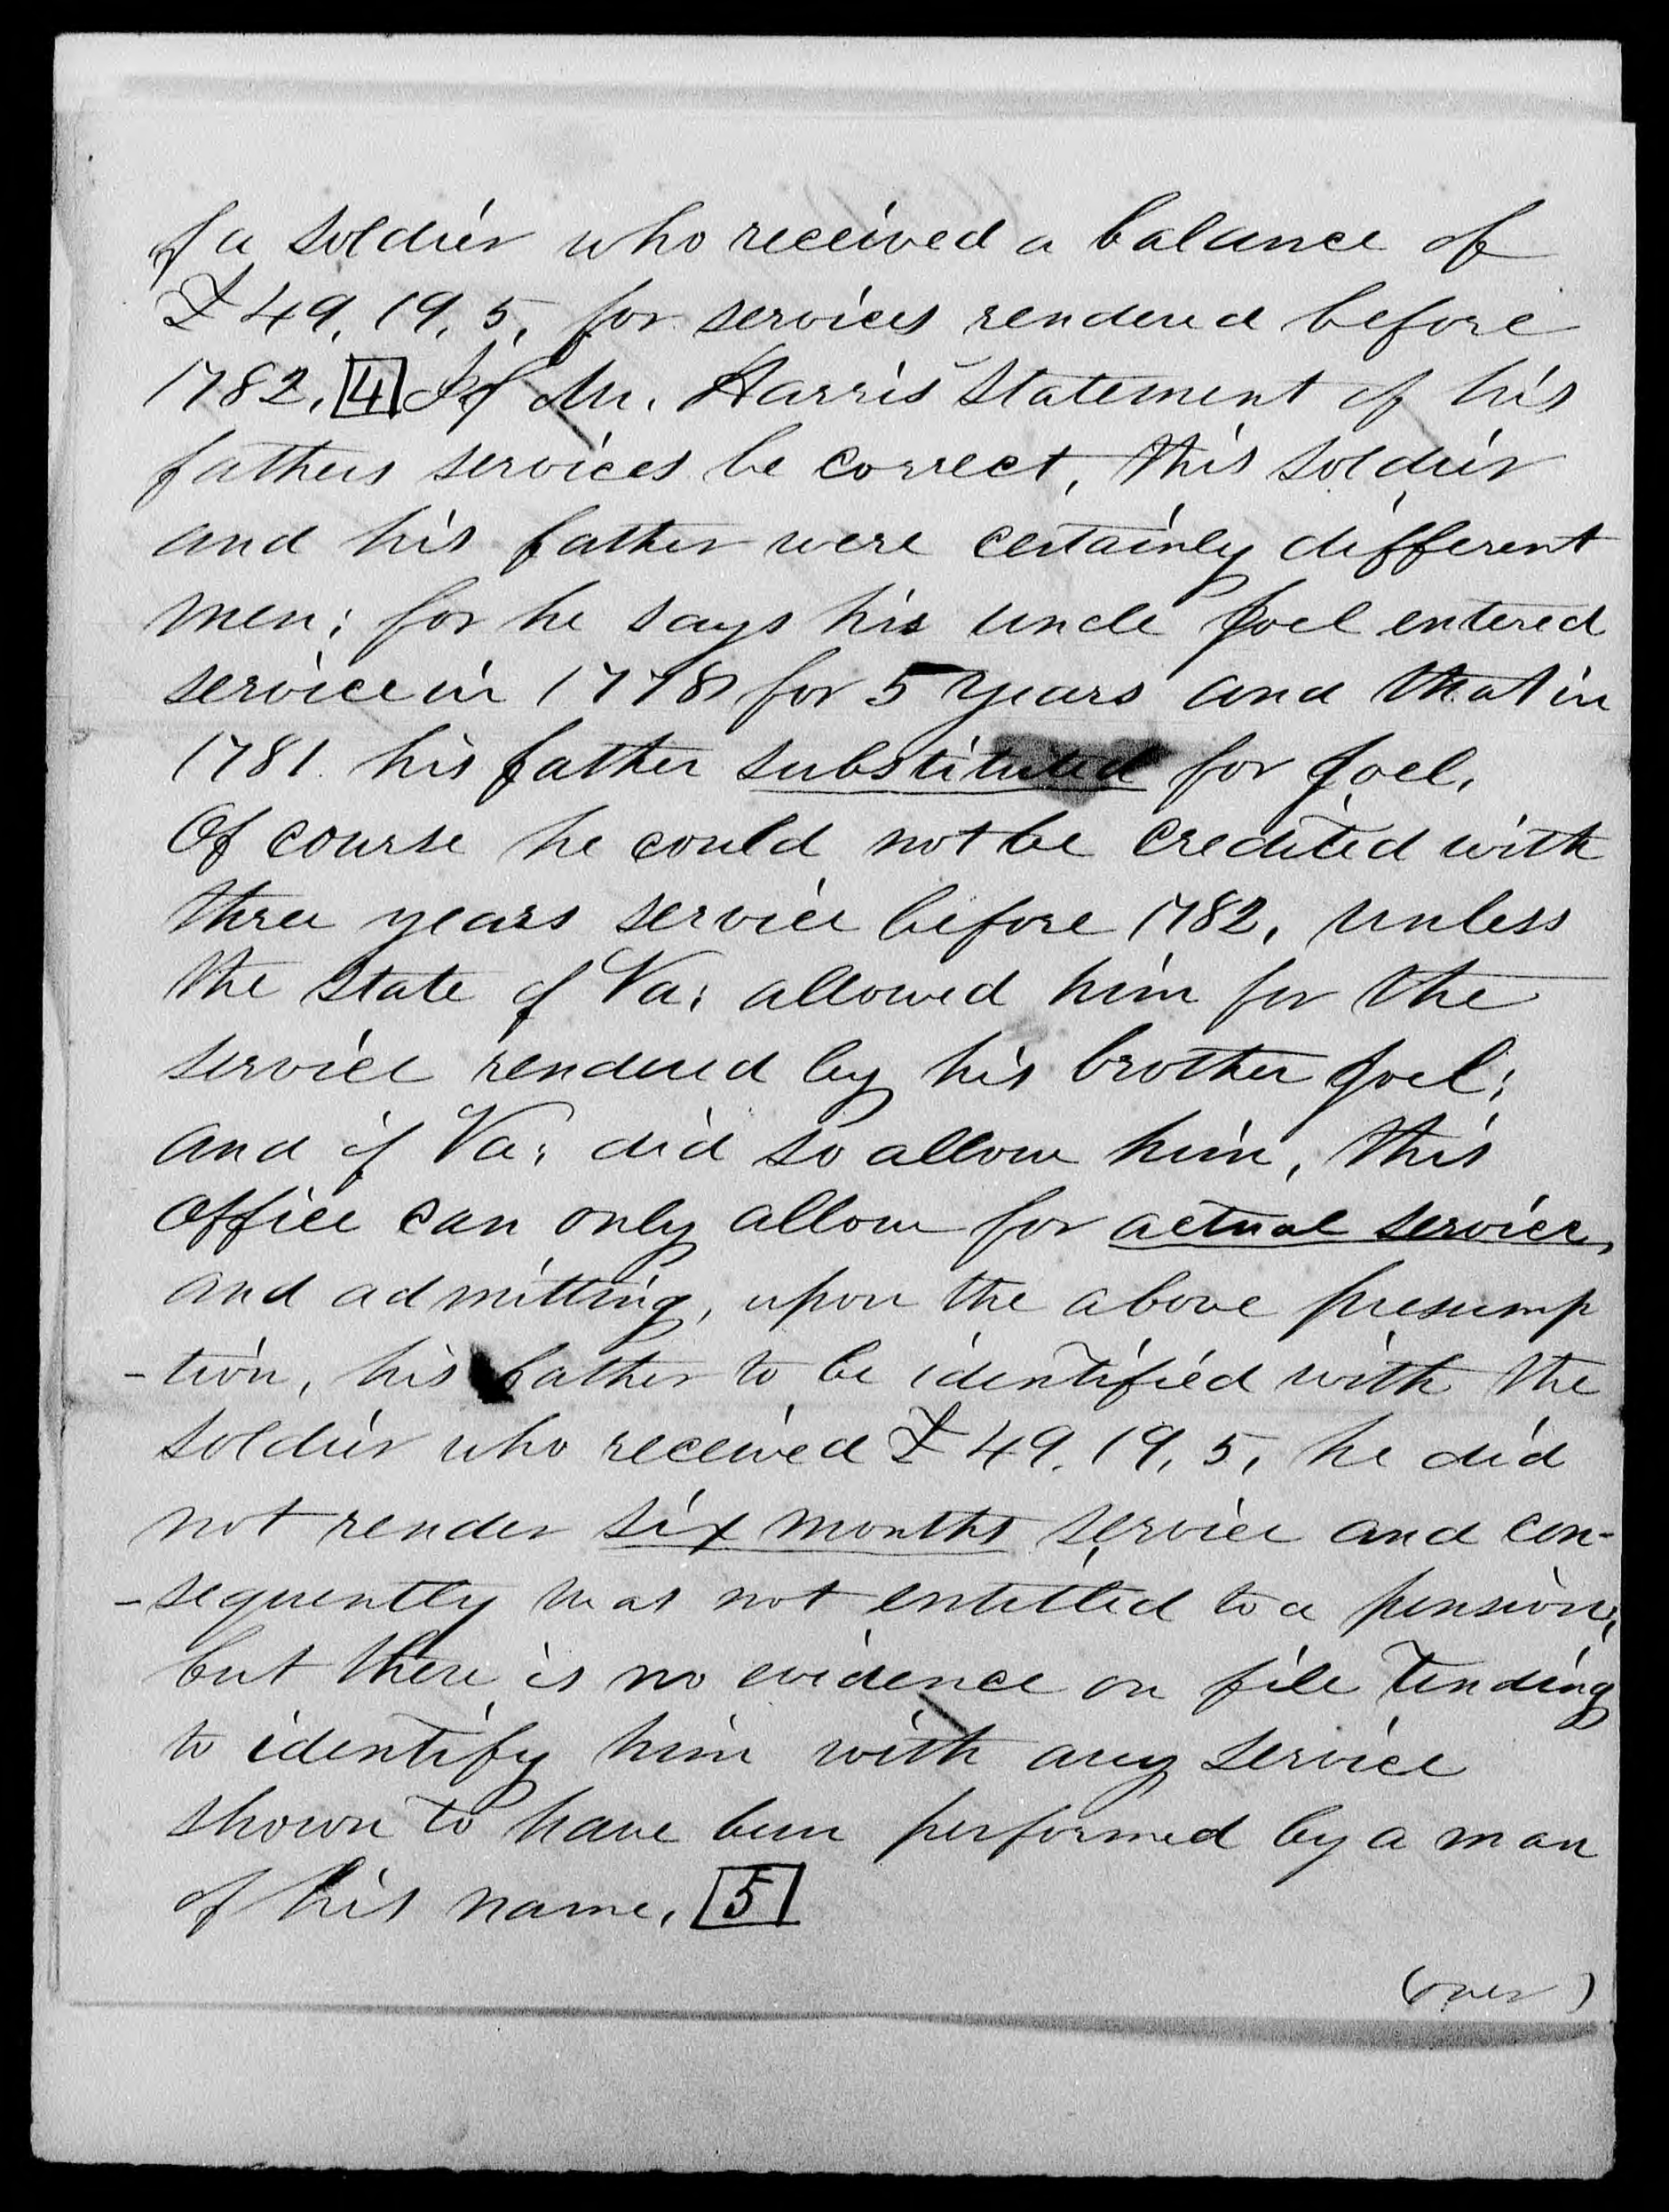of a soldier who received a balance of [pound sterling]49.19.5, for services rendered before 1782 (4) if Mr. Harris' statement of his fathers services be correct, this soldier and his father were certainly different men, for he says his uncle Joel entered service in 1775 for 5 years and that in 1781 his father substituted for Joel.  Of course he could not be credited with three years service before 1782, unless the State of Va. allowed him for the service rendered by his brother Joel, and if Va. did so allow him, this office can only allow for actual service, and admitting, upon the above presumption, his father to be identified with the soldier who received [pound sterling]49.19.5 he did not render six months service and consequently was not entitled to a pension, but there is no evidence on file tending to identify him with any service shown to have been performed by a man of his name. (5)
(over)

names: Joel, Joel, Harris, Joel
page: 125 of 160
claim: rejected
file: R. 4666, James Harris, Va.